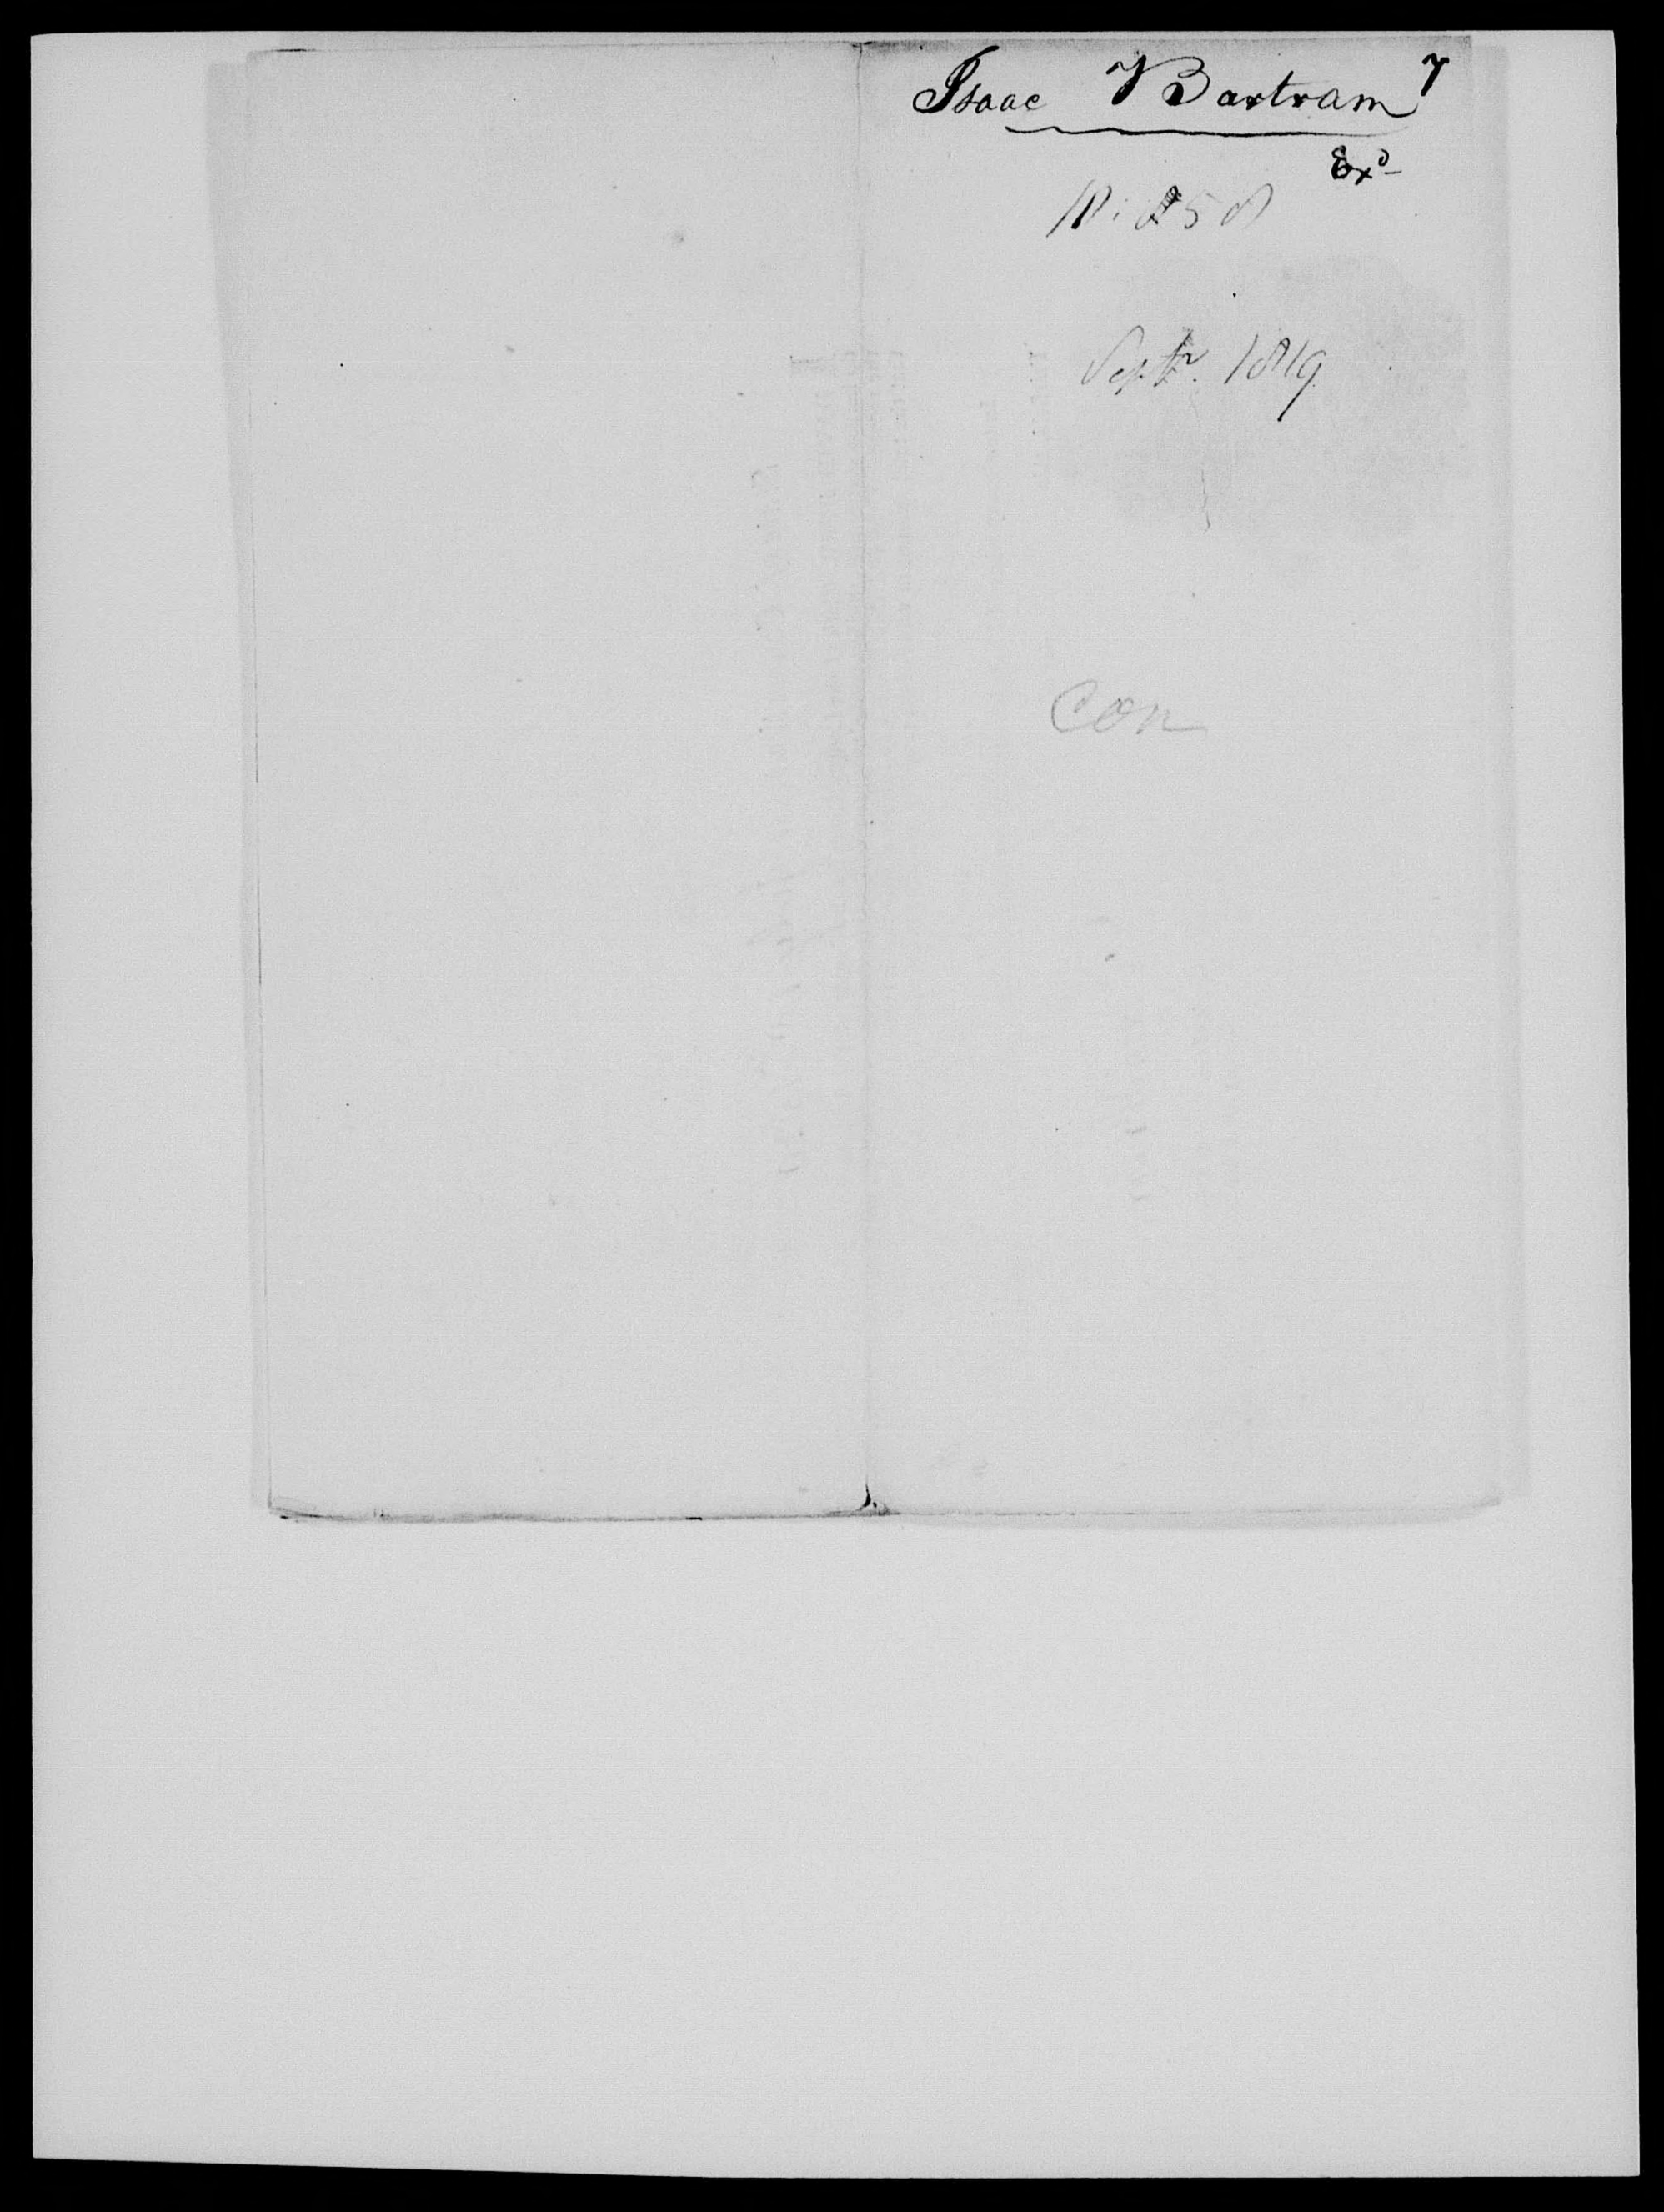Isaac Bartram   7

Exd
10. 25 of
Sept 1819
Con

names: Isaac Bartram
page: 7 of 39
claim: survivor's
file: S. 12110, Isaac Bartram, Continental (Conn)